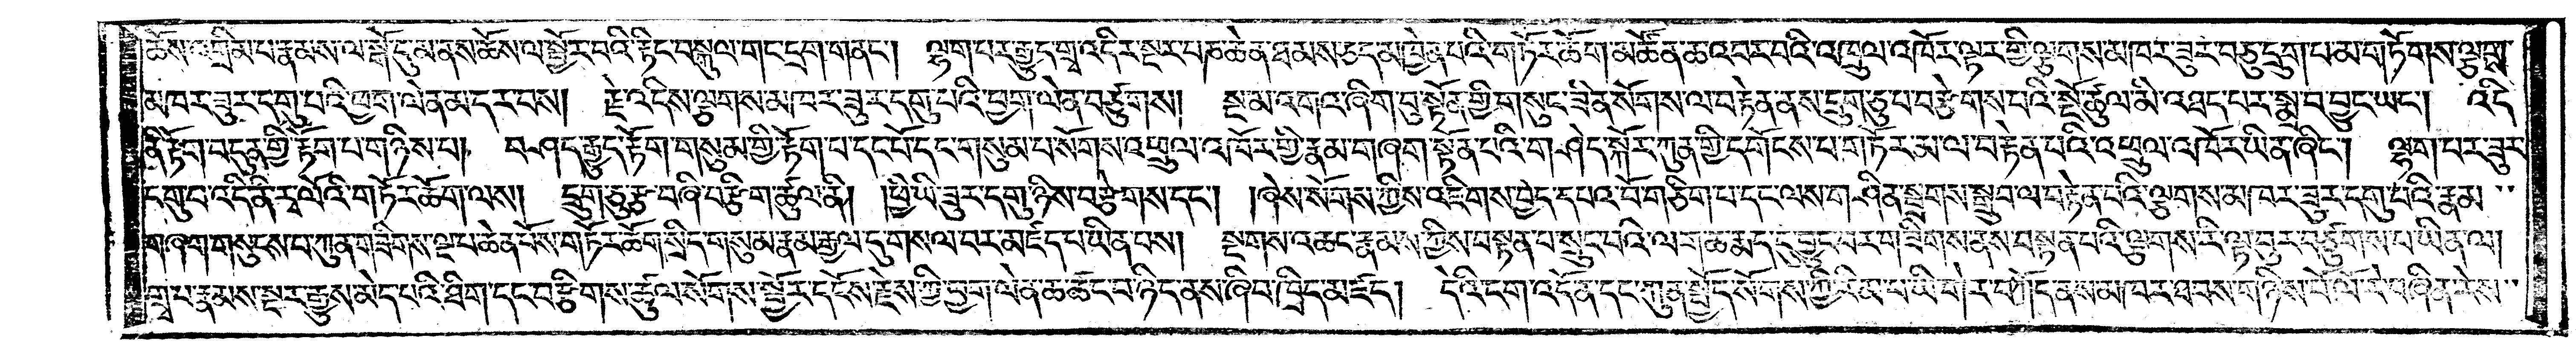ཆོས་འགྲིམ་པ་རྣམས་ལ་སྒོ་དུ་མ་ནས་ཆོས་ལ་སྦྱོར་བའི་རྟིང་བསྐུལ་གང་དྲག་གནང་། ལྷག་པར་རྒྱུད་གྲྭ་འདིར་སྔར་པཎ་ཆེན་ཐམས་ཅད་མཁྱེན་པའི་གཏོར་ཆོག་མཚོན་ཆ་འབར་བའི་འཁྲུལ་འཁོར་ལྟར་གྱི་ལྕགས་མཁར་ཟུར་བཅུ་དྲུག་པ་མ་གཏོགས་ལྕགས་
མཁར་ཟུར་དགུ་པའི་ཕྱག་ལེན་མ་དར་བས། རྗེ་འདིས་ལྕགས་མཁར་ཟུར་དགུ་པའི་ཕྱག་ལེན་བཙུགས། སྔ་མ་འགའ་ཞིག་བུ་སྟོན་གྱི་གསུང་ཟིན་སོགས་ལ་བརྟེན་ནས་དྲུག་ཅུ་པ་བརྩེགས་པའི་སྔོ་ཚུལ་མི་འཐད་པར་སྨྲ་བ་བྱུང་ཡང་། འདི་
ནི་རྟོག་བདུན་གྱི་རྟོག་པ་གཉིས་པ། བཤད་རྒྱུད་རྟོག་གསུམ་གྱི་རྟོག་པ་དང་བོ་དང་གསུམ་པ་སོགས་འཕྲུལ་འཁོར་གྱི་རྣམ་གཞག་སྟོན་པའི་གཤེད་སྐོར་ཀུན་གྱི་དགོངས་པ་གཏོར་མ་ལ་བརྟེན་པའི་འཕྲུལ་འཁོར་ཡིན་ཞིང་། ལྷག་པར་ཟུང་
དགུ་པ་འདི་ནི་རྭ་ལོའི་གཏོར་ཆོག་ལས། དྲུག་ཅུ་རྩ་བཞི་བརྩིག་ཚུལ་ནི། །ཕྱི་ཡི་ཟུར་དགུ་ཉིས་བརྩེགས་དང་། །ཞེས་སོགས་ཀྱིས་འཇིགས་བྱེད་དཔའ་བོ་གཅིག་པ་དང་ལས་གཤིན་སྦྲགས་སྒྲུབ་ལ་བརྟེན་པའི་ལྕགས་མཁར་ཟུར་དགུ་པའི་རྣམ་
གཞག་གསུངས་པ་ཀུན་གཟིགས་ལྔ་པ་ཆེན་པོས་གཏོར་ཆོག་སྲིད་གསུམ་རྣམ་རྒྱལ་དུ་གསལ་བར་མཛད་པ་ཡིན་པས། སྔགས་འཆང་རྣམས་ཀྱིས་བསྟན་པ་སྲུང་བའི་ལག་ཆ་རྨད་དུ་བྱུང་བར་གཟིགས་ནས་བསྟན་པའི་ལྕགས་རི་ལྟ་བུར་བཙུགས་པ་ཡིན་ལ།
གྲྭ་པ་རྣམས་སྔར་རྒྱུས་མེད་པའི་ཐིག་དང་བརྩིགས་ཚུལ་སོགས་སྦྱོར་དངོས་རྗེས་ཀྱི་ཕྱག་ལེན་ཆ་ཚང་བ་ཉིད་ནས་ཞིབ་ཁྲིད་མཛད། དེའི་ངག་འདོན་དང་ཀུན་སྤྱོད་སོགས་ཀྱི་རིམ་པ་ཡི་གེར་བཀོད་ནས་མཁར་ཐབས་གཉིས་པོ་ལོ་རེ་བཞིན་ངེས་